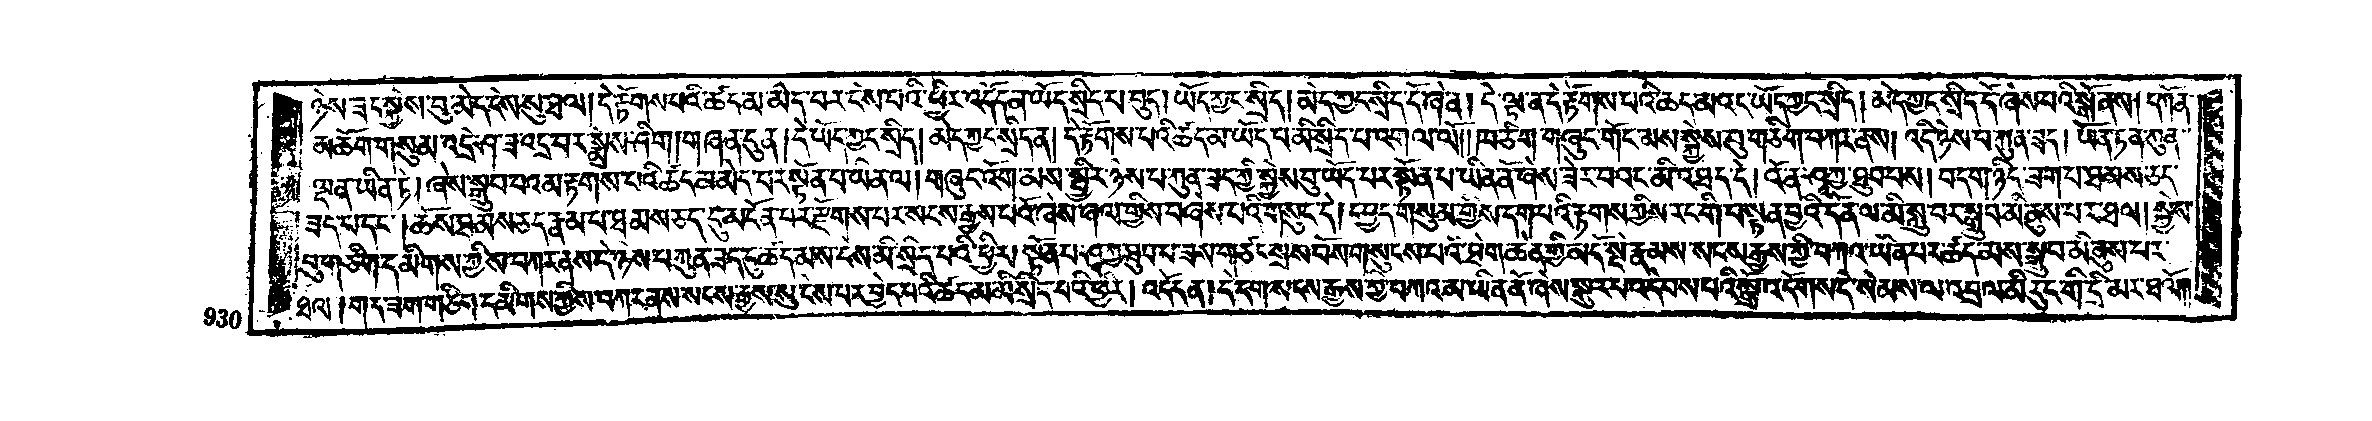ཉེས་ཟད་སྐྱེས་བུ་མེད་ངེས་སུ་ཐལ། དེ་རྟོགས་པའི་ཚད་མ་མེད་པར་ངེས་པའི་ཕྱིར་འདོད་ན་ཡོད་སྲིད་པ་བུད། ཡོད་ཀྱང་སྲིད། མེད་ཀྱང་སྲིད་དོ་ཞེ་ན། དེ་ལྟ་ན་དེ་རྟོགས་པའི་ཚད་མའང་ཡོད་ཀྱང་སྲིད། མེད་ཀྱང་སྲིད་དོ་ཞེས་པའི་སྒོ་ནས། དཀོན་
མཆོག་གསུམ་འདྲེ་ཤ་ཟ་འདྲ་བར་སྨྲོས་ཤིག། གཞན་དུ་ན། དེ་ཡོད་ཀྱང་སྲིད། མེད་ཀྱང་སྲིད། དེ་རྟོགས་པའི་ཚད་མ་ཡོད་པ་མི་སྲིད་པ་འགལ་ལོ། །ཁ་ཅིག་གཞུང་གོང་མས་སྐྱེས་བུ་གཅིག་བཀར་ནས། འདི་ཉེས་པ་ཀུན་ཟད། ཡོན་ཏན་ཀུན་
ལྡན་ཡིན་ཏེ། ཞེས་སྒྲུབ་པའམ་རྟགས་པའི་ཚད་མ་མེད་པར་སྟོན་པ་ཡིན་ལ། གཞུང་འོག་མས་སྤྱིར་ཉེས་པ་ཀུན་ཟད་ཀྱི་སྐྱེས་བུ་ཡོད་པར་སྟོན་པ་ཡིན་ནོ་ཞེས་ཟེར་བའང་མི་འཐད་དེ། འོ་ན་ཤཱཀྱ་ཐུབ་པས། བདག་ཉིད་ཟག་པ་ཐམས་ཅད་
ཟད་པ་དང་། ཆོས་ཐམས་ཅད་རྣམ་པ་ཐམས་ཅད་དུ་མངོན་པར་རྫོགས་པར་སངས་རྒྱས་པའོ་ཞེས་ཞལ་གྱིས་བཞེས་པའི་གསུང་དེ། དཔྱད་གསུམ་གྱིས་དག་པའི་རྟགས་ཀྱིས་རང་གི་བསྟན་བྱའི་དོན་ལ་མི་སླུ་བར་སྒྲུབ་མི་ནུས་པར་ཐལ། སྐྱེས་
བུ་གཅིག་དམིགས་ཀྱིས་བཀར་ནས་དེ་ཉེས་པ་ཀུན་ཟད་དུ་ཚད་མས་ངེས་མི་སྲིད་པའི་ཕྱིར། སྟོན་པ་ཤཱཀྱ་ཐུབ་པ་ཟས་གཙང་སྲས་པོས་གསུངས་པའི་ཐེག་ཆེན་གྱི་མདོ་སྡེ་རྣམས་སངས་རྒྱས་ཀྱི་བཀའ་ཡིན་པར་ཚད་མས་སྒྲུབ་མི་ནུས་པར་
ཐལ། གང་ཟག་གཅིག་དམིགས་ཀྱིས་བཀར་ནས་སངས་རྒྱས་སུ་ངེས་པར་བྱེད་པའི་ཚད་མ་མི་སྲིད་པའི་ཕྱིར། འདོད་ན། དེ་དག་སངས་རྒྱས་ཀྱི་བཀའ་མ་ཡིན་ནོ་ཞེས་སྐུར་བ་འདེབས་པའི་སྒྲོ་འདོགས་དེ་སེམས་ལ་འབྲལ་མི་རུང་གི་དྲི་མར་ཐལ་ལོ། །